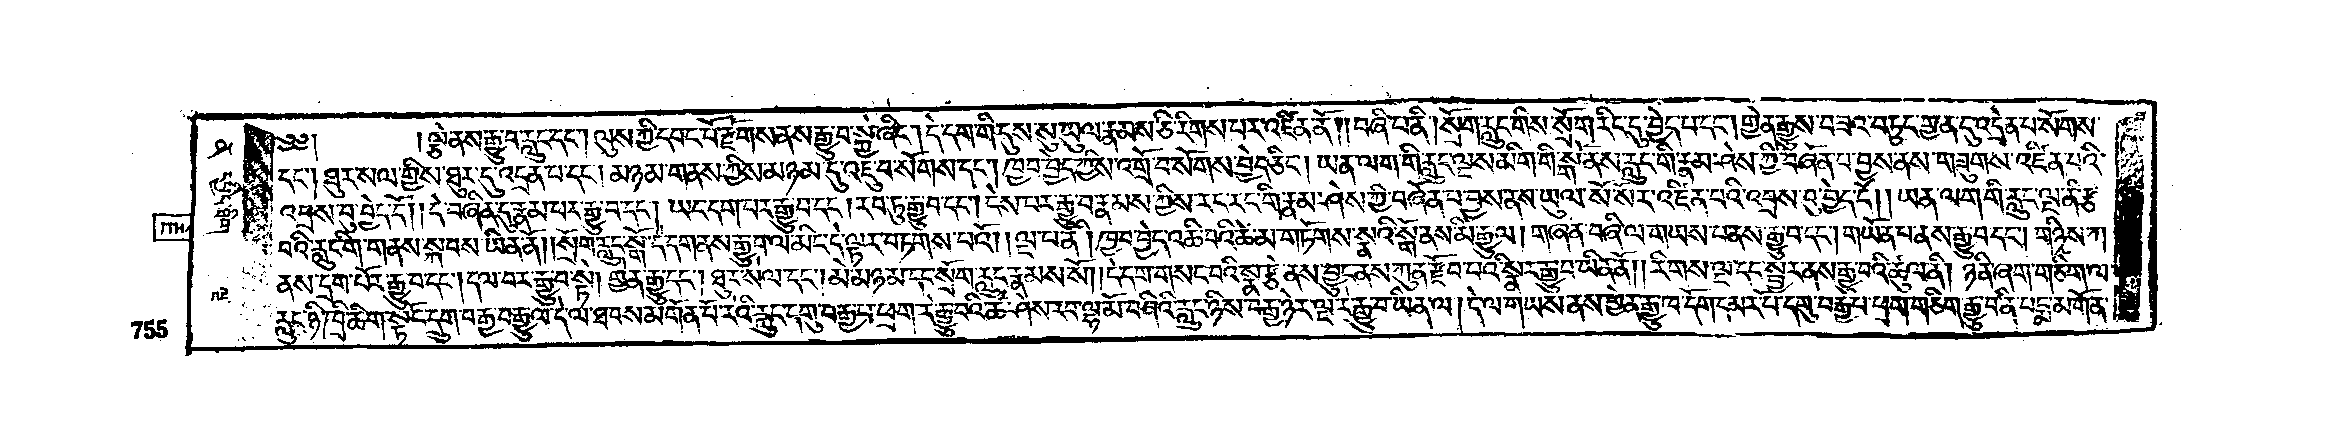༄༅། །ལྕེ་ནས་རྒྱུ་བ་རླུང་དང་། ལུས་ཀྱི་དབང་པོ་རྫོགས་ནས་རྒྱུ་བ་སྐྱེ་ཞིང་། དེ་དག་གི་དུས་སུ་ཡུལ་རྣམས་ཅི་རིགས་པར་འཛིན་ནོ། །བཞི་པ་ནི། སྲོག་རླུང་གིས་སྲོག་རིང་དུ་བྱེད་པ་དང་། གྱེན་རྒྱུས་བཟའ་བཏུང་གྱེན་དུ་འདྲེན་པ་སོགས་
དང་། ཐུར་སལ་གྱིས་ཐུར་དུ་འདྲན་པ་དང་། མཉམ་གནས་ཀྱིས་མཉམ་དུ་འཇུ་བ་སོགས་དང་། ཁྱབ་བྱེད་ཀྱིས་འགྲོ་བ་སོགས་བྱེད་ཅིང་། ཡན་ལག་གི་རླུང་ལྔ་མིག་གི་སྒོ་ནས་རླུང་གི་རྣམ་ཤེས་ཀྱི་བཞོན་པ་བྱས་ནས་གཟུགས་འཛིན་པའི་
འབྲས་བུ་བྱེད་དོ། །དེ་བཞིན་དུ་རྣམ་པར་རྒྱུ་བ་དང་། ཡང་དག་པར་རྒྱུ་བ་དང་། རབ་ཏུ་རྒྱུ་བ་དང་། ངེས་པར་རྒྱུ་བ་རྣམས་ཀྱིས་རང་རང་གི་རྣམ་ཤེས་ཀྱི་བཞོན་པ་བྱས་ནས་ཡུལ་སོ་སོར་འཛིན་པའི་འབྲས་བུ་བྱེད་དོ། །ཡན་ལག་གི་རླུང་ལྔ་ནི་རྩ་
བའི་རླུང་གི་གནས་སྐབས་ཡིན་ནོ། །སྲོག་རླུང་སྒོ་དེ་དག་ནས་རྒྱུ་བ་ལ་མིང་དེ་ལྟར་བཏགས་པའོ། །ལྔ་པ་ནི། ཁྱབ་བྱེད་འཆི་བའི་ཚེ་མ་གཏོགས་སྣའི་སྒོ་ནས་མི་རྒྱུ་ལ། གཞན་བཞི་ལ་གཡས་པ་ནས་རྒྱུ་བ་དང་། གཡོན་པ་ནས་རྒྱུ་བ་དང་། གཉིས་ཀ་
ནས་དྲག་པོར་རྒྱུ་བ་དང་། དལ་བར་རྒྱུ་བ་སྟེ། གྱེན་རྒྱུ་དང་། ཐུར་སེལ་དང་། མེ་མཉམ་དང་སྲོག་རླུང་རྣམས་སོ། །དེ་དག་གསང་བའི་སྣ་རྩེ་ནས་བྱུང་ནས་ཀུན་རྫོབ་པའི་སྣར་རྒྱུ་བ་ཡིན་ནོ། །རིགས་ལྔ་དང་སྦྱར་ནས་རྒྱུ་བའི་ཚུལ་ནི། ཉིན་ཞག་གཅིག་ལ་
རླུང་ཉི་ཁྲི་ཆིག་སྟོང་དྲུག་བརྒྱ་བརྒྱུ་ལ་དེ་ལ་ཐབས་མགོན་པོ་རེའི་རླུང་དགུ་བརྒྱ་པ་ཕྲག་རེ་རྒྱུ་བའི་ཚེ་ཤེས་རབ་ལྷ་མོ་བཞིའི་རླུང་ཉིས་བརྒྱ་ཉེར་ལྔ་རེ་རྒྱུ་བ་ཡིན་ལ། དེ་ལ་གཡས་ནས་གྱེན་རྒྱུ་ཁ་དོག་དམར་པོ་དགུ་བརྒྱ་པ་ཕྲག་གཅིག་རྒྱུ་བ་ནི་པདམ་མགོན་